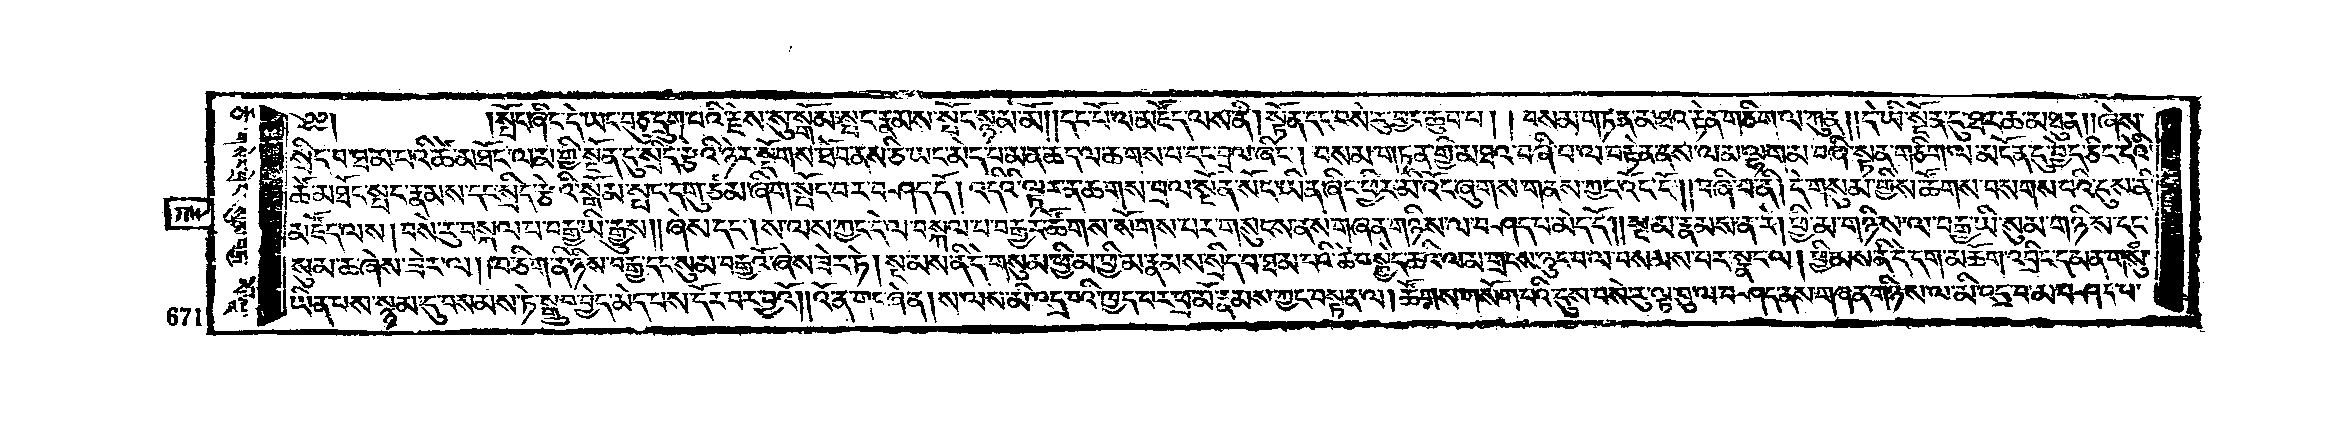༄༅། །སྤོང་ཞིང་དེ་ཡང་བཅུ་དྲུག་པའི་རྗེས་སུ་སྒོམ་སྤང་རྣམས་སྤོང་སྙམ་མོ། །དང་པོ་ལ་མཛོད་ལས་ནི། སྟོན་དང་བསེ་རུ་བྱང་ཆུབ་པ། །བསམ་གཏན་མཐའ་རྟེན་གཅིག་ལ་ཀུན། །དེ་ཡི་སྔོན་དུ་ཐར་ཆ་མཐུན། །ཞེས་
སྲིད་བ་ཐ་མ་པའི་ཚེ་མཐོང་ལམ་གྱི་སྔོན་དུ་སྲིད་རྩེའི་ཉེར་སྡོགས་ཐོབ་ནས་ཅི་ཡང་མེད་པ་མན་ཆད་ལ་ཆགས་པ་དང་བྲལ་ཞིང་། བསམ་གཏན་གྱི་མཐའ་བཞི་པ་ལ་བརྟེན་ནས་ལམ་ལྷག་མ་བཞི་སྟན་གཅིག་ལ་མངོན་དུ་བྱེད་ཅིང་དེའི་
ཚེ་མཐོང་སྤང་རྣམས་དང་སྲིད་རྩེའི་སྒོམ་སྤང་དགུ་ཙམ་ཞིག་སྤོང་བར་བཤད་དོ། འདིའི་ལྟར་ན་ཆགས་བྲལ་སྔོན་སོང་ཡིན་ཞིང་ཕྱིར་མི་འོང་ཞུགས་གནས་ཀྱང་འོང་ངོ། །བཞི་པ་ནི། དེ་གསུམ་གྱིས་ཚོགས་བསགས་པའི་དུས་ནི་
མཛོད་ལས། བསེ་རུ་བསྐལ་པ་བརྒྱ་ཡི་རྒྱུས། །ཞེས་དང་། ས་ལས་ཀྱང་དེ་ལ་བསྐལ་པ་བརྒྱར་ཚོགས་སོགས་པར་གསུངས་ནས་གཞན་གཉིས་ལ་བཤད་པ་མེད་དོ། །སྔ་མ་རྣམས་ན་རེ། ཕྱི་མ་གཉིས་ལ་བརྒྱ་ཡི་སུམ་གཉིས་དང་
སུམ་ཆ་ཞེས་ཟེར་ལ། ཁ་ཅིག་ནི་ཉིས་བརྒྱ་དང་སུམ་བརྒྱའོ་ཞེས་ཟེར་ཏེ། སྔ་མས་ནི་དེ་གསུམ་ཕྱི་མ་ཕྱི་མ་རྣམས་སྲིད་པ་ཐ་མ་པའི་ཚེ་བསྐྱེད་ཆའི་ལམ་གྲངས་ཉུང་བ་ལ་བསམས་པར་སྣང་ལ། ཕྱི་མས་ནི་དེ་དག་མཆོག་འབྲིང་དམན་གསུཾ་
ཡིན་པས་སྙམ་དུ་བསམས་ཏེ་སྒྲུབ་བྱེད་མེད་པས་དོར་བར་བྱའོ། །འོ་ན་གང་ཞེ་ན། ས་ལས་མི་འདྲ་བའི་ཁྱད་པར་ཕྲ་མོ་རྣམས་ཀྱང་བསྟན་ལ། ཚོགས་གསོག་པའི་དུས་བསེ་རུ་ལྟ་བུ་ལ་བཤད་ནས་གཞན་གཉིས་ལ་མི་འདྲ་བ་མ་བཤད་པ་